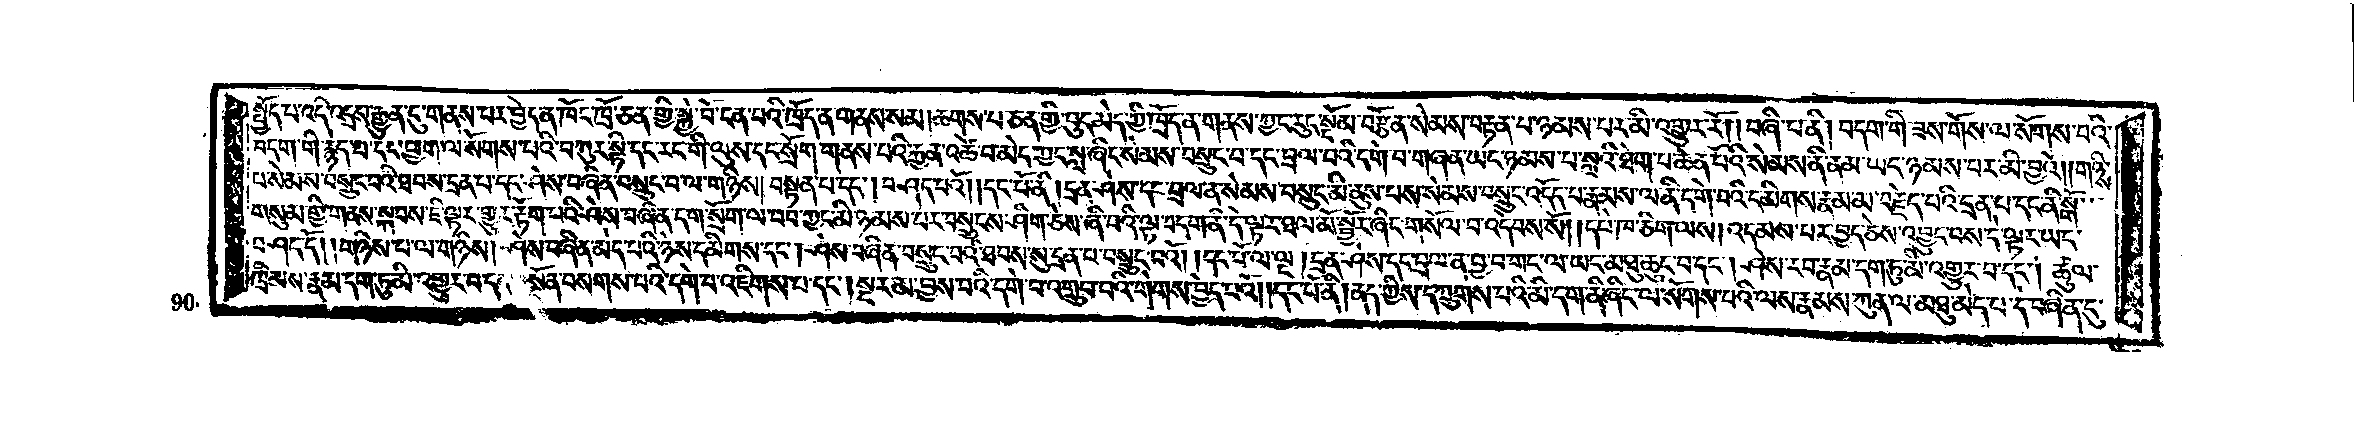སྤྱོད་པ་འདི་འདྲས་རྒྱུན་དུ་གནས་པར་བྱེད་ན་ཁོང་ཁྲོ་ཅན་གྱི་སྐྱེ་བོ་ངན་པའི་ཁྲོད་ན་གནས་སམ། ཆགས་པ་ཅན་གྱི་བུད་མེད་ཀྱི་ཁྲོད་ན་གནས་ཀྱང་རུང་སྡོམ་བརྩོན་སེམས་བརྟན་པ་ཉམས་པར་མི་འགྱུར་རོ། །ཞི་པ་ནི། བདག་གི་ཟས་གོས་ལ་སོགས་པའི་
བདག་གི་རྙེད་པ་དང་ཕྱག་ལ་སོགས་པའི་བཀུར་སྟི་དང་རང་གི་ལུས་དང་སྲོག་གནས་པའི་རྐྱན་འཚེ་བ་མེད་ཀྱང་སླ་ཞིང་སེམས་བསྲུང་བ་དང་བྲལ་བའི་དགེ་བ་གཞན་ཡང་ཉམས་པ་སླའི་ཐེག་པ་ཆེན་པོའི་སེམས་ནི་ནམ་ཡང་ཉམས་པར་མི་བྱའོ། །གཉིས་
པ་སེམས་བསྲུང་བའི་ཐབས་དྲན་པ་དང་ཤེས་བཞིན་བསྲུང་བ་ལ་གཉིས། བསྟན་པ་དང་། བཤད་པའོ། །དང་པོ་ནི། དྲན་ཤེས་དང་བྲལ་ན་སེམས་བསྲུང་མི་ནུས་པས་སེམས་བསྲུང་འདོད་པ་རྣམས་ལ་ནི་དགེ་བའི་དམིགས་རྣམས་བརྗེད་པའི་དྲན་པ་དང་ནི་སྒོ་
གསུམ་གྱི་གནས་སྐབས་ཇི་ལྟར་གྱུར་རྟོག་པའི་ཤེས་བཞིན་དག་སྲོག་ལ་བབ་ཀྱང་མི་ཉམས་པར་བསྲུངས་ཤིག་ཅེས་ཞི་བའི་ལྟ་བདག་ནི་དེ་ལྟར་ཐལ་མོ་སྦྱོར་ཞིང་གསོལ་བ་འདེབས་སོ། །དཔེ་ཁ་ཅིག་ལས། འདམས་པར་བྱད་ཅེས་འབྱུང་བས་དེ་ལྟར་ཡང་
བཤད་དོ། །གཉིས་པ་ལ་གཉིས། ཤེས་བཞིན་མེད་པའི་ཉེས་དམིགས་དང་། ཤེས་བཞིན་བསྲུང་བའི་ཐབས་སུ་དྲན་པ་བསྲུང་བའོ། །དང་པོ་ལ་ལྔ། དྲན་ཤེས་དང་བྲལ་ན་བྱ་བ་གང་ལ་ཡང་མཐུ་ཆུང་བ་དང་། ཤེས་རབ་རྣམ་དག་ཏུ་མི་འགྱུར་བ་དང་། ཚུལ་
ཁྲིམས་རྣམ་དག་ཏུ་མི་འགྱུར་བ་དང་། །སྔོན་བསགས་པའི་དགེ་བ་འཇིགས་པ་དང་། སྔར་མ་བྱས་པའི་དགེ་བ་འགྲུབ་པའི་གེགས་བྱེད་པའོ། །དང་པོ་ནི། ནད་ཀྱིས་དཀྲུགས་པའི་མི་དག་ནི་ཞིང་ལ་སོགས་པའི་ལས་རྣམས་ཀུན་ལ་མཐུ་མེད་པ་དེ་བཞིན་དུ་